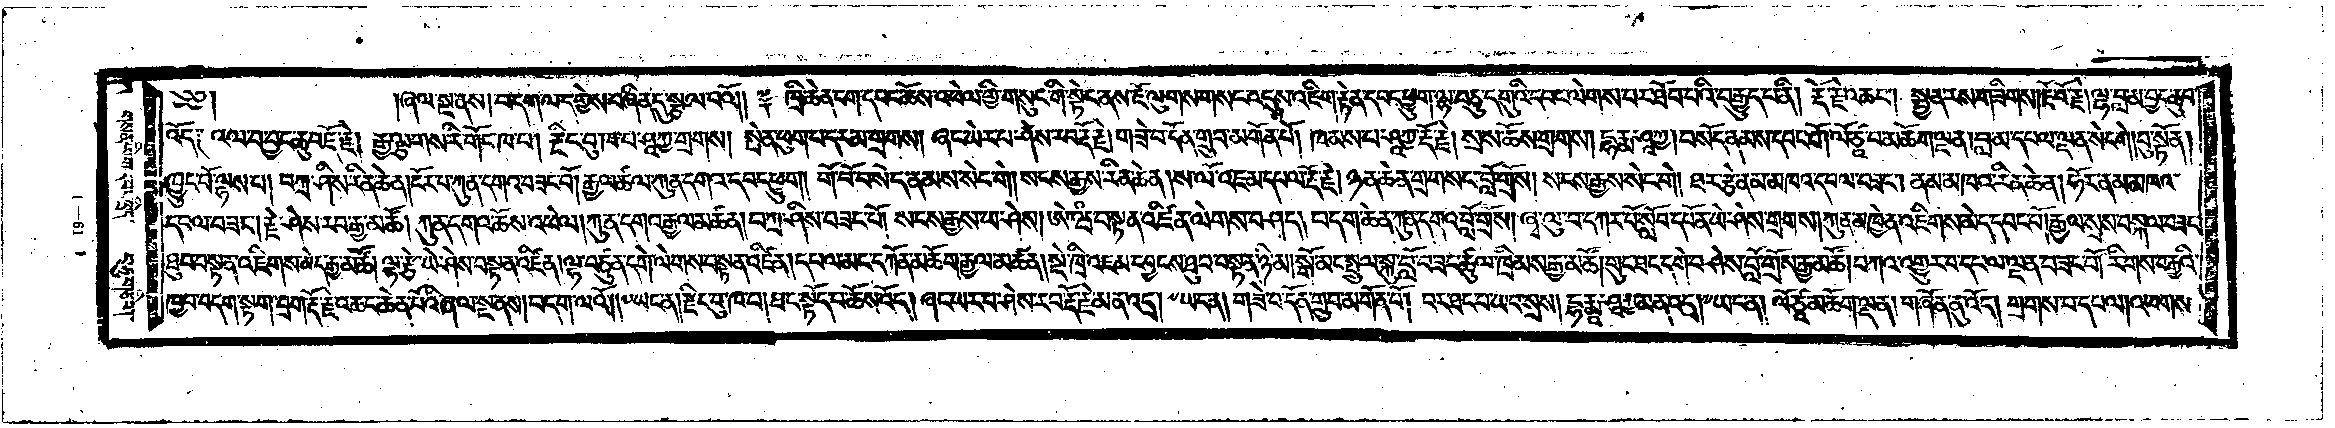༄༅། །ཞལ་སྔ་ནས། བདག་ལ་དགྱེས་བཞིན་དུ་སྩལ་བའོ།། འ་ཁྲི་ཆེན་ངག་དབང་ཆོས་འཕེལ་གྱི་གསུང་གི་སྟེང་ནས་ཇོ་ལུགས་གསང་འདུས་འཇིག་རྟེན་དབང་ཕྱུག་ལྷ་བཅུ་དགུའི་དབང་ལེགས་པར་ཐོབ་པའི་བརྒྱུད་པ་ནི། རྡོ་རྗེ་འཆང་། སྤྱན་རས་གཟིགས། ཇོ་བོ་རྗེ། ལྷ་བླ་མ་བྱང་ཆུབ་
འོད༑ འལ་བ་བྱང་ཆུབ་ཇོ་རྗེ། རྒྱ་ལྕགས་རི་གོང་ཁ་པ། རྫིང་བུ་ཁ་བ་ཤཱཀྱ་གྲགས། སྤེན་ཕུག་པ་དར་མ་གྲགས། ཞང་ཡེར་པ་ཤེས་རབ་རྡོ་རྗེ། གཟེ་བ་དོན་གྲུབ་མགོན་པོ། ཁམས་པ་ཤཱཀྱ་རྡོ་རྗེ། སྲས་ཆོས་ཁྲགས། དྷརྨ་ཤཱཀྱ། བསོད་ནམས་དབང་གོ་ལོ་ཙཱ་བ་མཆོག་ལྡན། བླ་མ་དཔལ་ལྡན་སེང་གེ། བུ་སྟོན།
ཁུང་བོ་ལྷས་པ། བཀྲ་ཤིས་རིན་ཆེན། ངོར་པ་ཀུན་དགའ་བཟང་པོ། རྒྱལ་ཚལ་ཀུན་དགའ་དབང་ཕྱུག། གོ་བོ་བསོད་ནམས་སེང་གེ། སངས་རྒྱས་རིན་ཆེ། ས་ལོ་འཇམ་དཔལ་རྡོ་རྗེ། ཉན་ཆེན་གྲ་གསང་བློ་གྲོས། སངས་རྒྱས་སེང་གེ། ཐར་རྩེ་ནམ་མཁའ་དཔལ་བཟང་། ནམ་མཁའ་རིན་ཆེན། ཧོར་ནམ་མཁའ་
དཔལ་བཟང་། རྗེ་ཤེས་རབ་རྒྱ་མཚོ། ཀུན་དགའ་ཆོས་འཕེལ། ཀུན་དགའ་རྒྱལ་མཚན། བཀྲ་ཤིས་བཟང་པོ། སངས་རྒྱས་ཡེ་ཤེས། ཨེ་ཝཾ་བསྟན་འཛིན་ལེགས་བཤད། བདག་ཆེན་ཀུན་དགའ་བློ་གྲོས། ཞྭ་ལུ་བ་དཀར་པོ་སློབ་དཔོན་ཡེ་ཤེས་གྲགས། ཀུན་མཁྱེན་འཇིགས་མེད་དབང་གོ་རྒྱལ་སྲས་བསྐལ་བཟང་
ཐུབ་བསྟན་འཇིགས་མེད་རྒྱ་མཚོ། ལྷ་རྩེ་ཡེ་ཤེས་བསྟན་འཛིན། ལྷ་བཙུན་དགེ་ལེགས་བསྟན་འཛིན། དཔལ་མང་དཀོན་མཆོག་རྒྱལ་མཚན། སྡེ་ཁྲི་འཇམ་དབྱངས་ཐུབ་བསྟན་ཉི་མ། སྒོ་མང་སྤྲུལ་སྐུ་བློ་བཟང་ཚུལ་ཁྲིམས་རྒྱ་མཚོ། གུང་ཐང་དགེ་བཤེས་བློ་གྲོས་རྒྱ་མཚོ། བཀའ་འགྱུར་བ་དཔལ་ལྡན་བཟང་པོ། རིགས་བརྒྱའི་
ཁྱབ་བདག་སྟག་བྲག་རྡོ་རྗེ་འཆང་ཆེན་པོའི་ཞལ་སྔ་ནས། བདག་ལའོ། །༧་ཡང་ན། རྫིང་བུ་ཁ་ག། ཐང་སྟོད་པ་ཆོས་བོད། ཞབ་ཡར་བ་ཤེས་རབ་རྡོ་རྗེ་མན་འདྲ། ༧ཡང་ན། གཟེ་བ་དོན་གྲུབ་མགོན་པོ། བར་ཐང་བ་ཡབ་སྲས། དྷ་རྨཱ་ཤཱཀྱ་མན་འདྲ། ༧ཡང་ན། ལོ་ཙཱ་མཆོག་ལྡན། གཞོན་ནུ་འོད། གྲགས་པ་དཔལ། འཕགས་